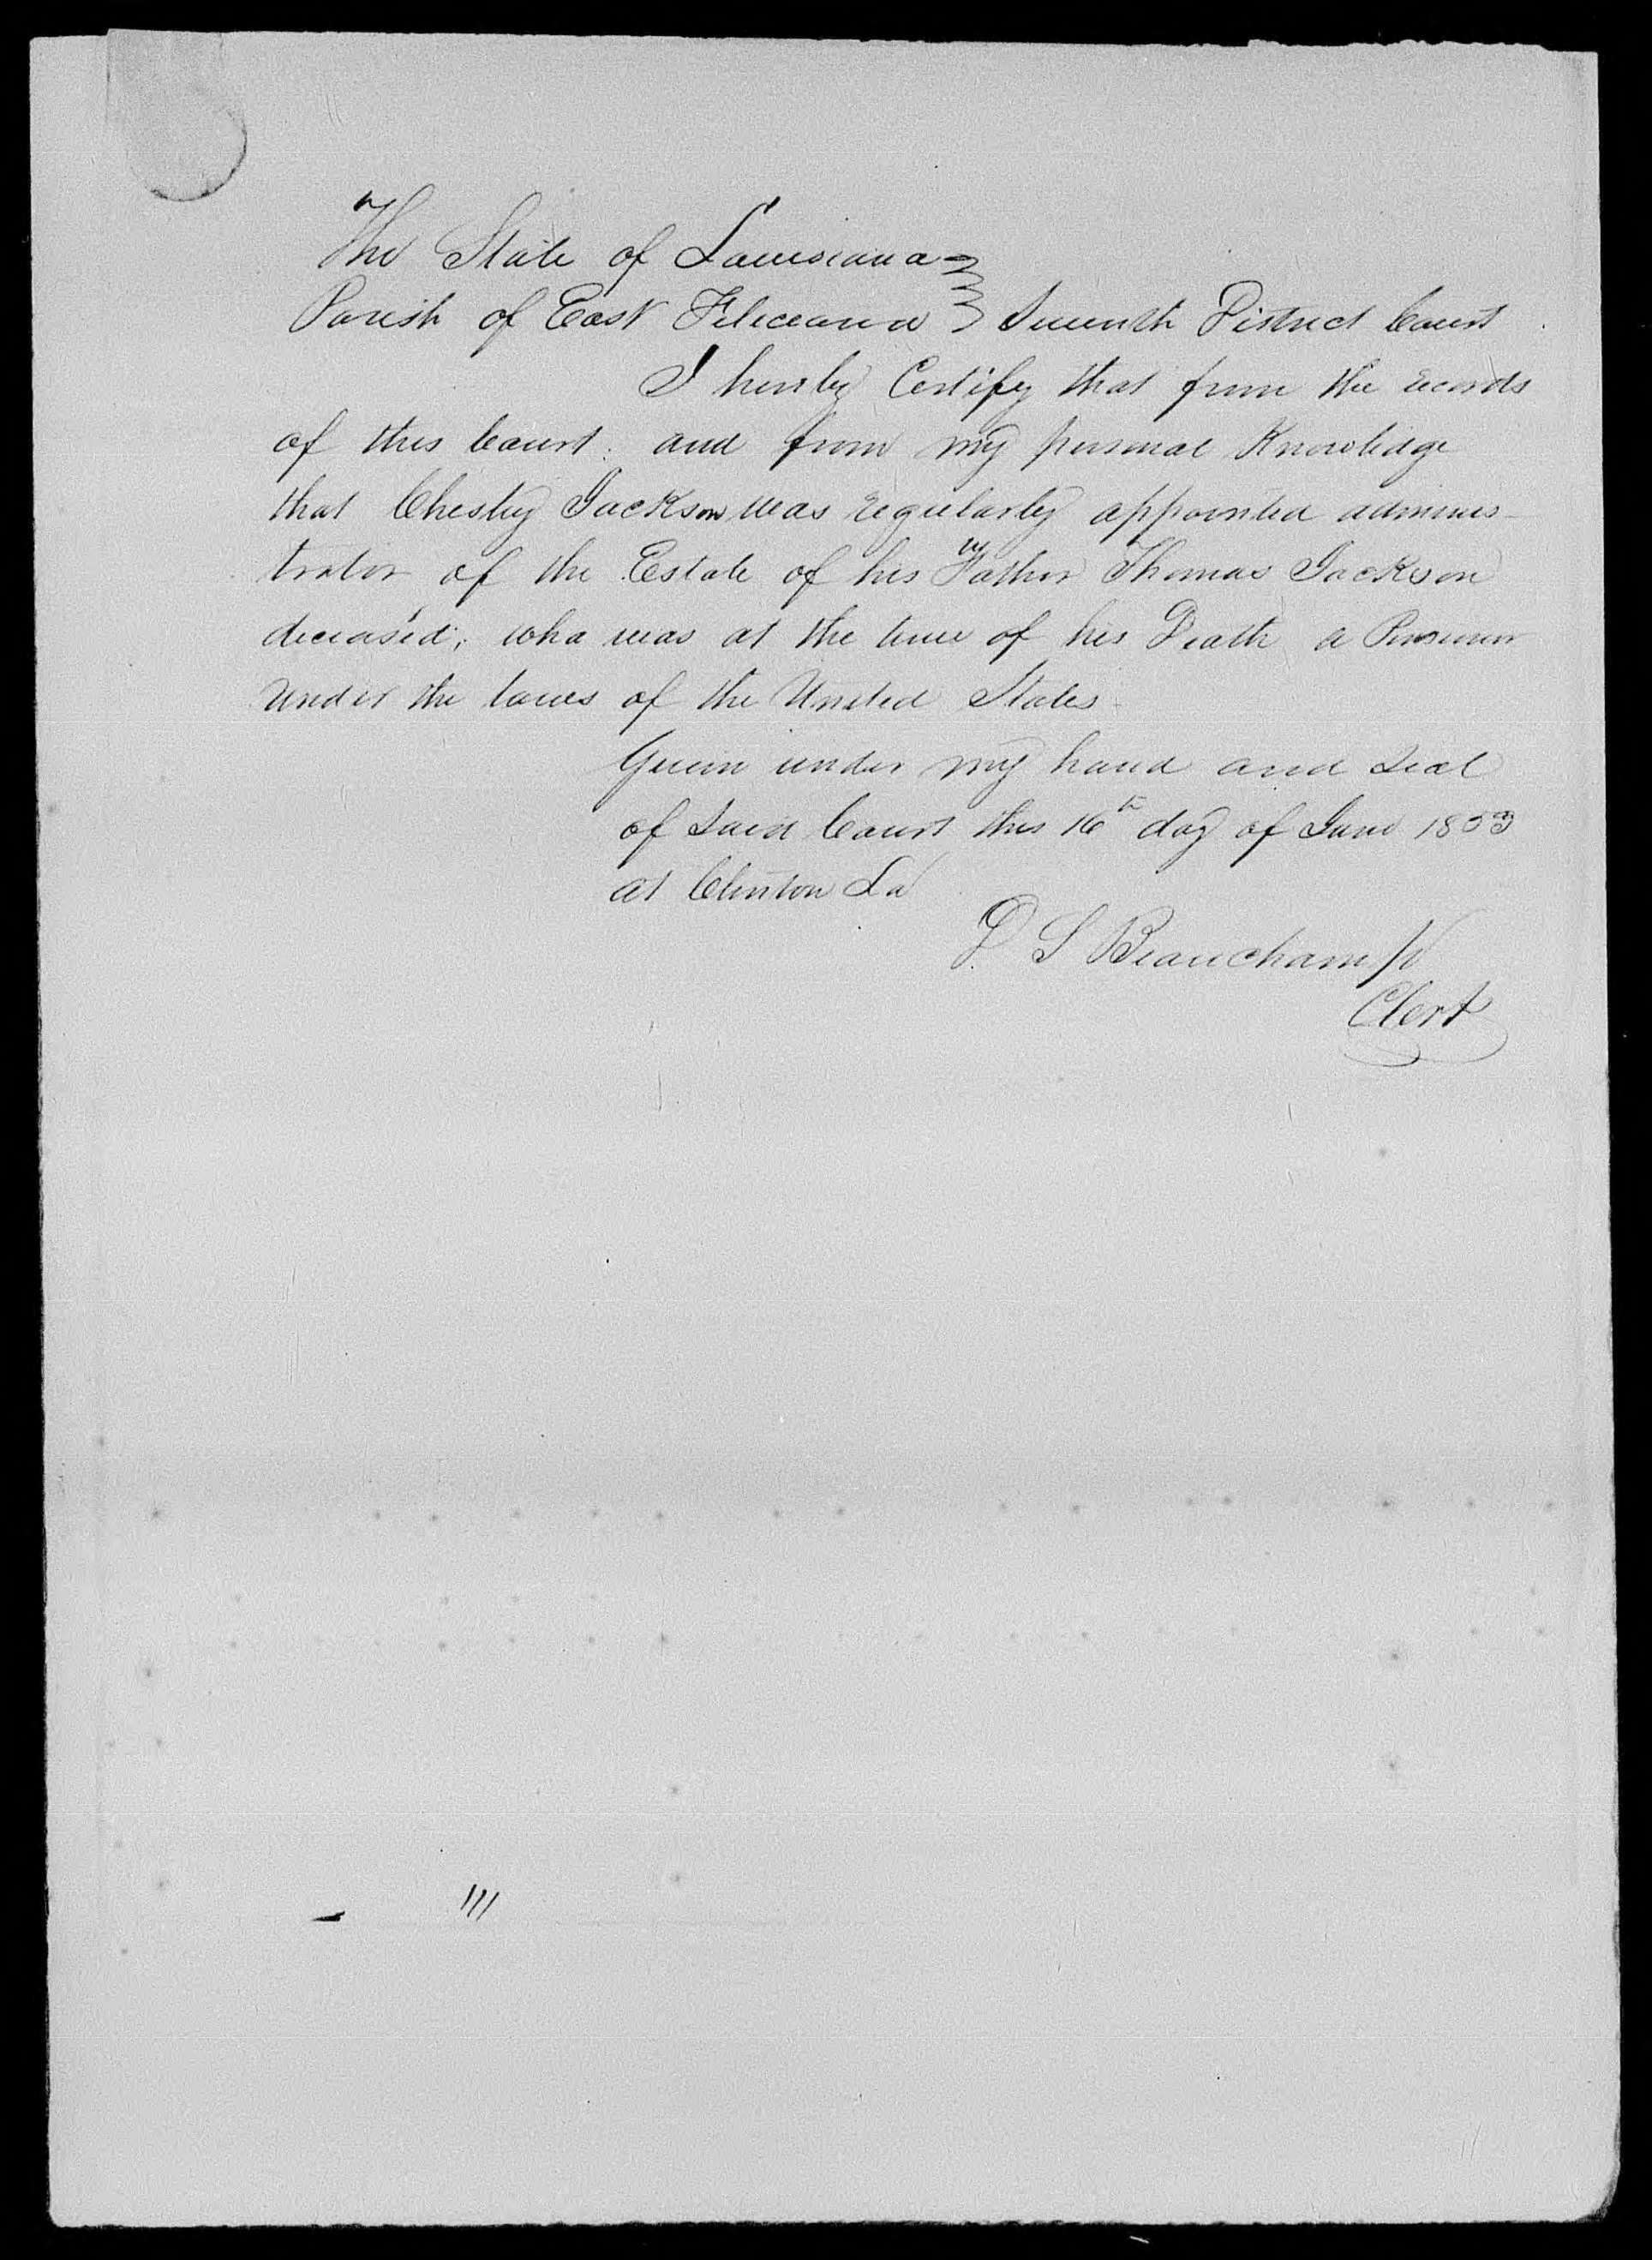The State of Louisiana )
Parish of East Feliciana )
Seventh District Court
I hereby Certify that from the records
of this court and from my personal knowledge
that Chesley Jackson was regularly appointed administrator
of the Estate of his Father Thomas Jackson
deceased, who was at the time of his Death a Pensioner
under the laws of the United States.
Given under my hand and seal
of said Court this 16th day of June 1853
at Clinton La.
D. L. Beauchamp
Clerk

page: 30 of 54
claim: survivor's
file: S. 31166, for Thomas Jackson, South Carolina